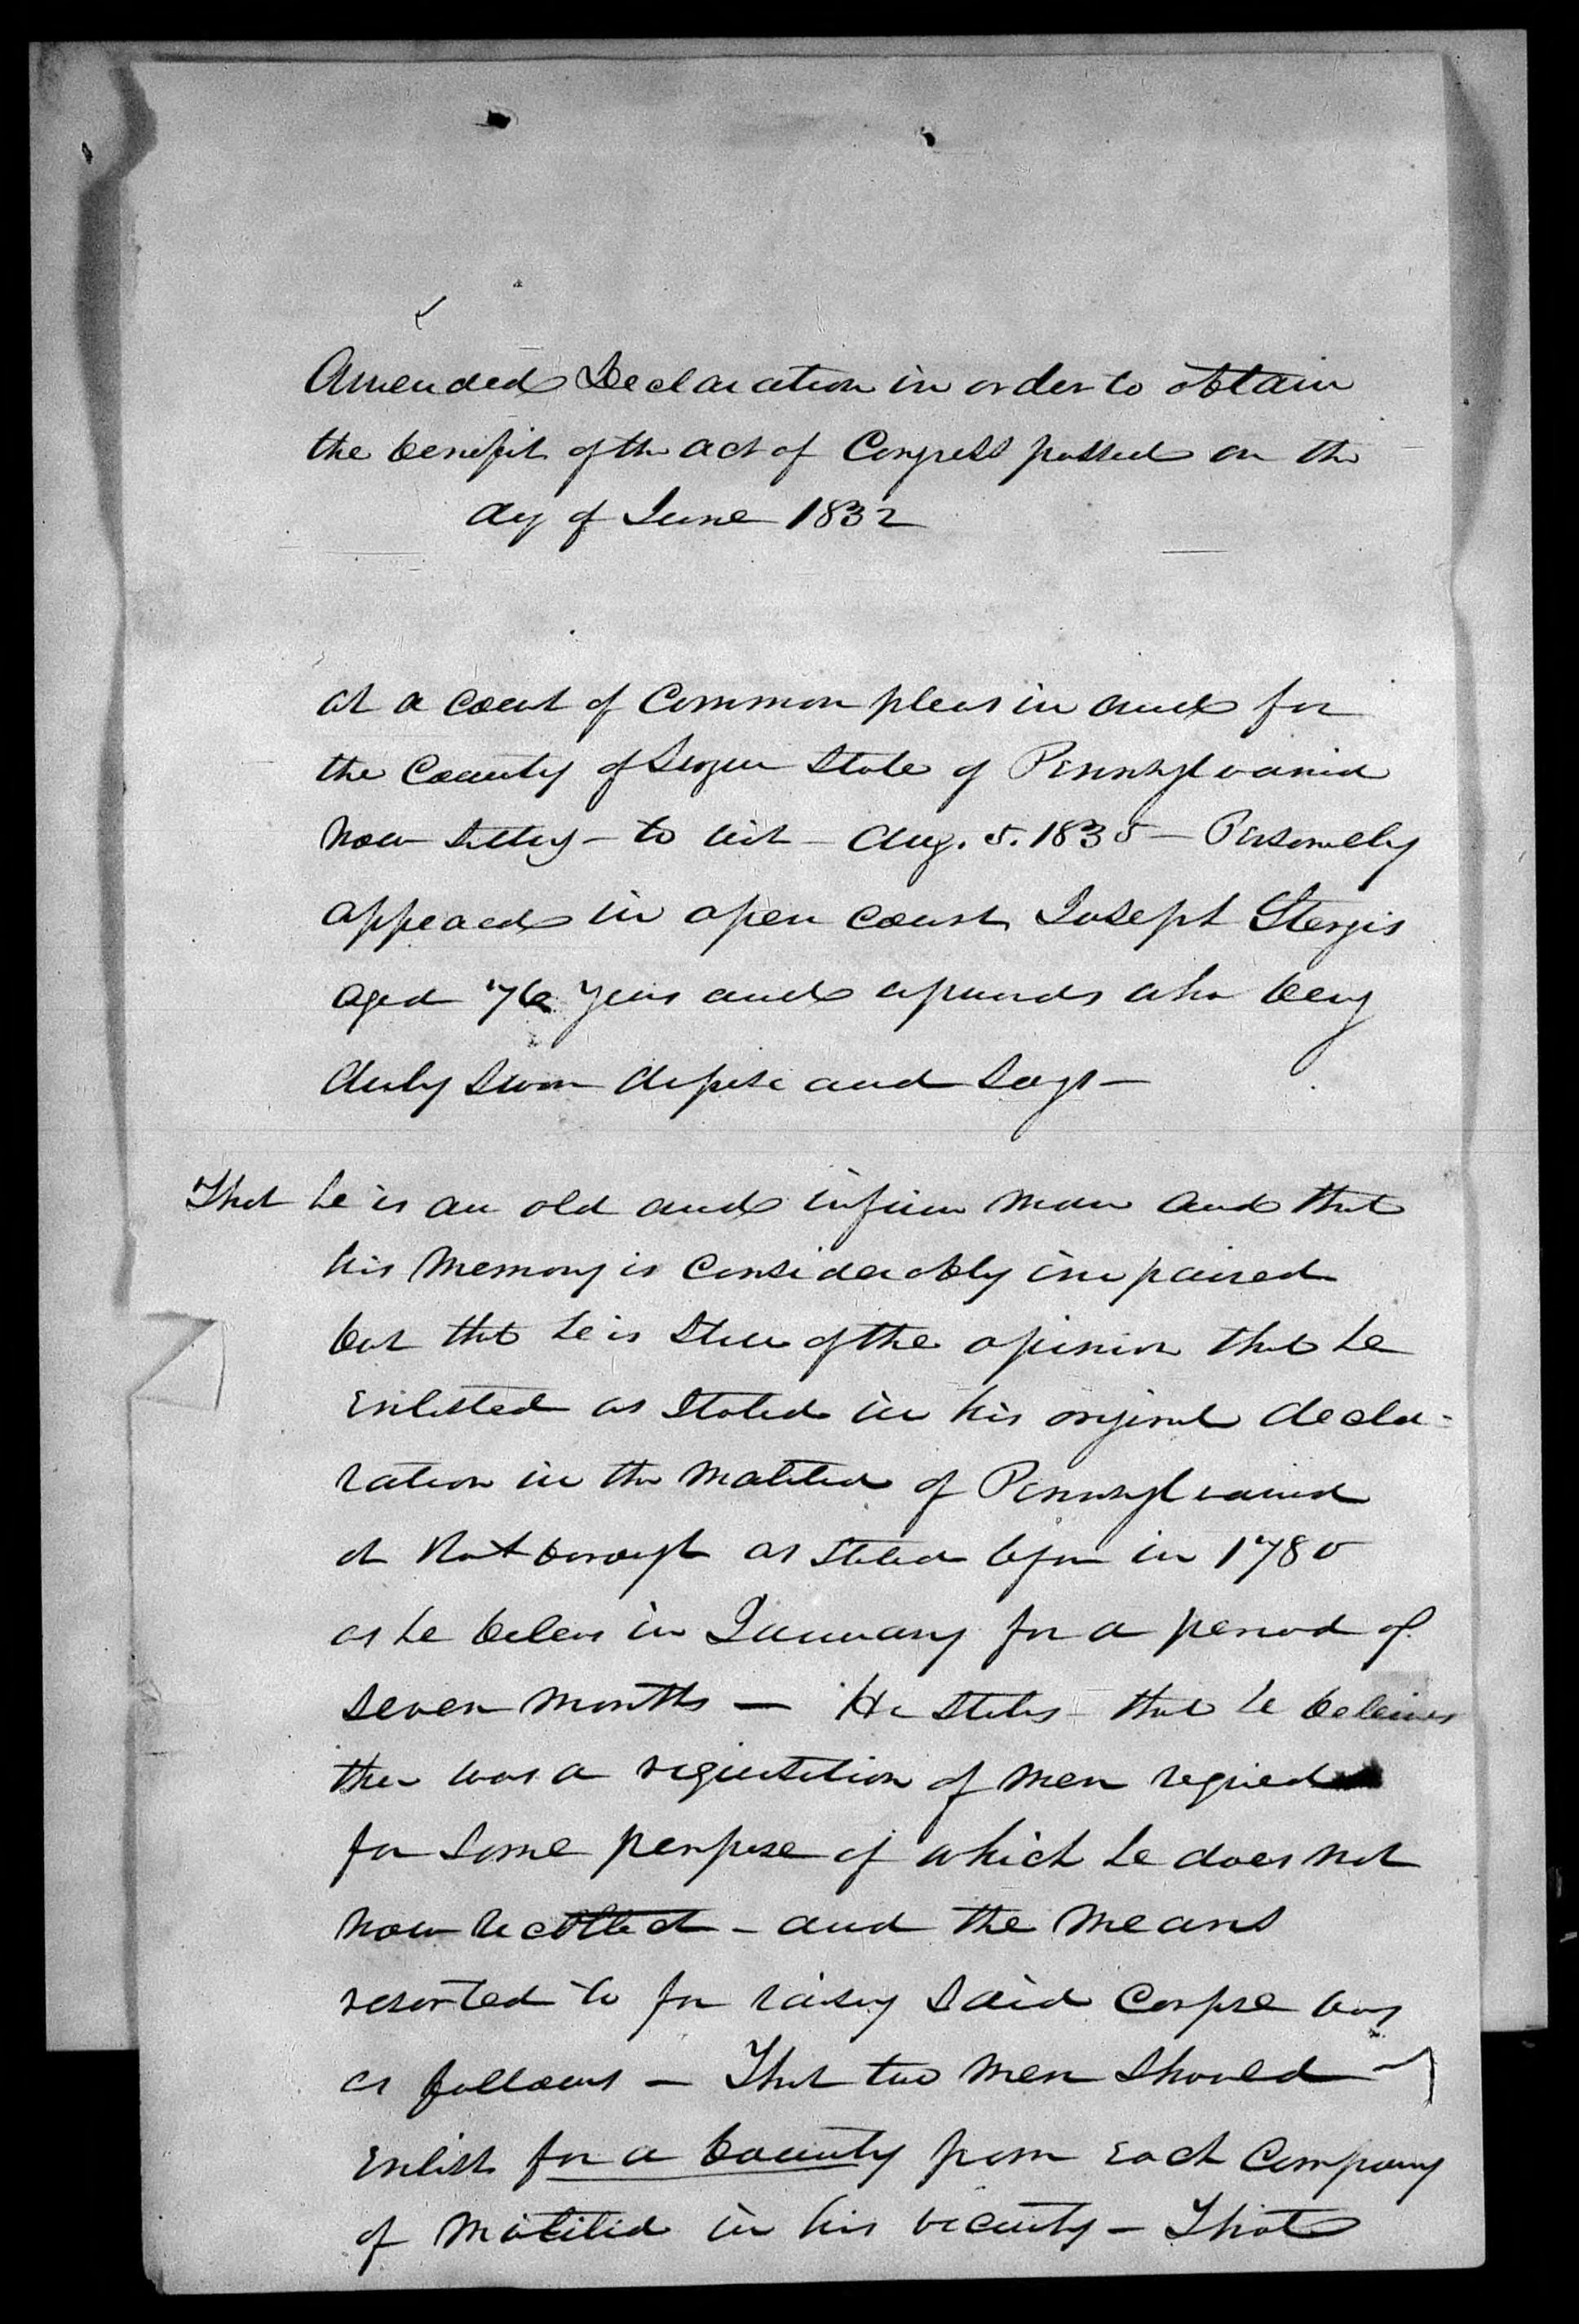Amended Declaration in order to obtain the benefit of the act of Congress passed on the day of June 1832    
At a Court of Common pleas in and for the County of Luzerne State of Pennsylvania now sitting -to wit- Aug. 5, 1835.    Personally appeared in open court Joseph Sturgis aged 76 years and upwards who being duly sworn depose and say           
That he is an old and infirm man and that his memory is considerably impaired but that he is still of the opinion that he enlisted as stated in his original declaration in the Malitia of Pennsylvania at Roxborough  as stated before in 1780 as he believes in January for a period of seven months -- He states that he believes the was a requisition of men required for some purpose of which he does not now recollect and the means resorted to for raising said Corps as follows- That two men should enlist for a County from each company of Militia in his vicinity - That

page: 14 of 31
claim: survivor's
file: S. 6154, for Joseph Sturgis, Pennsylvania